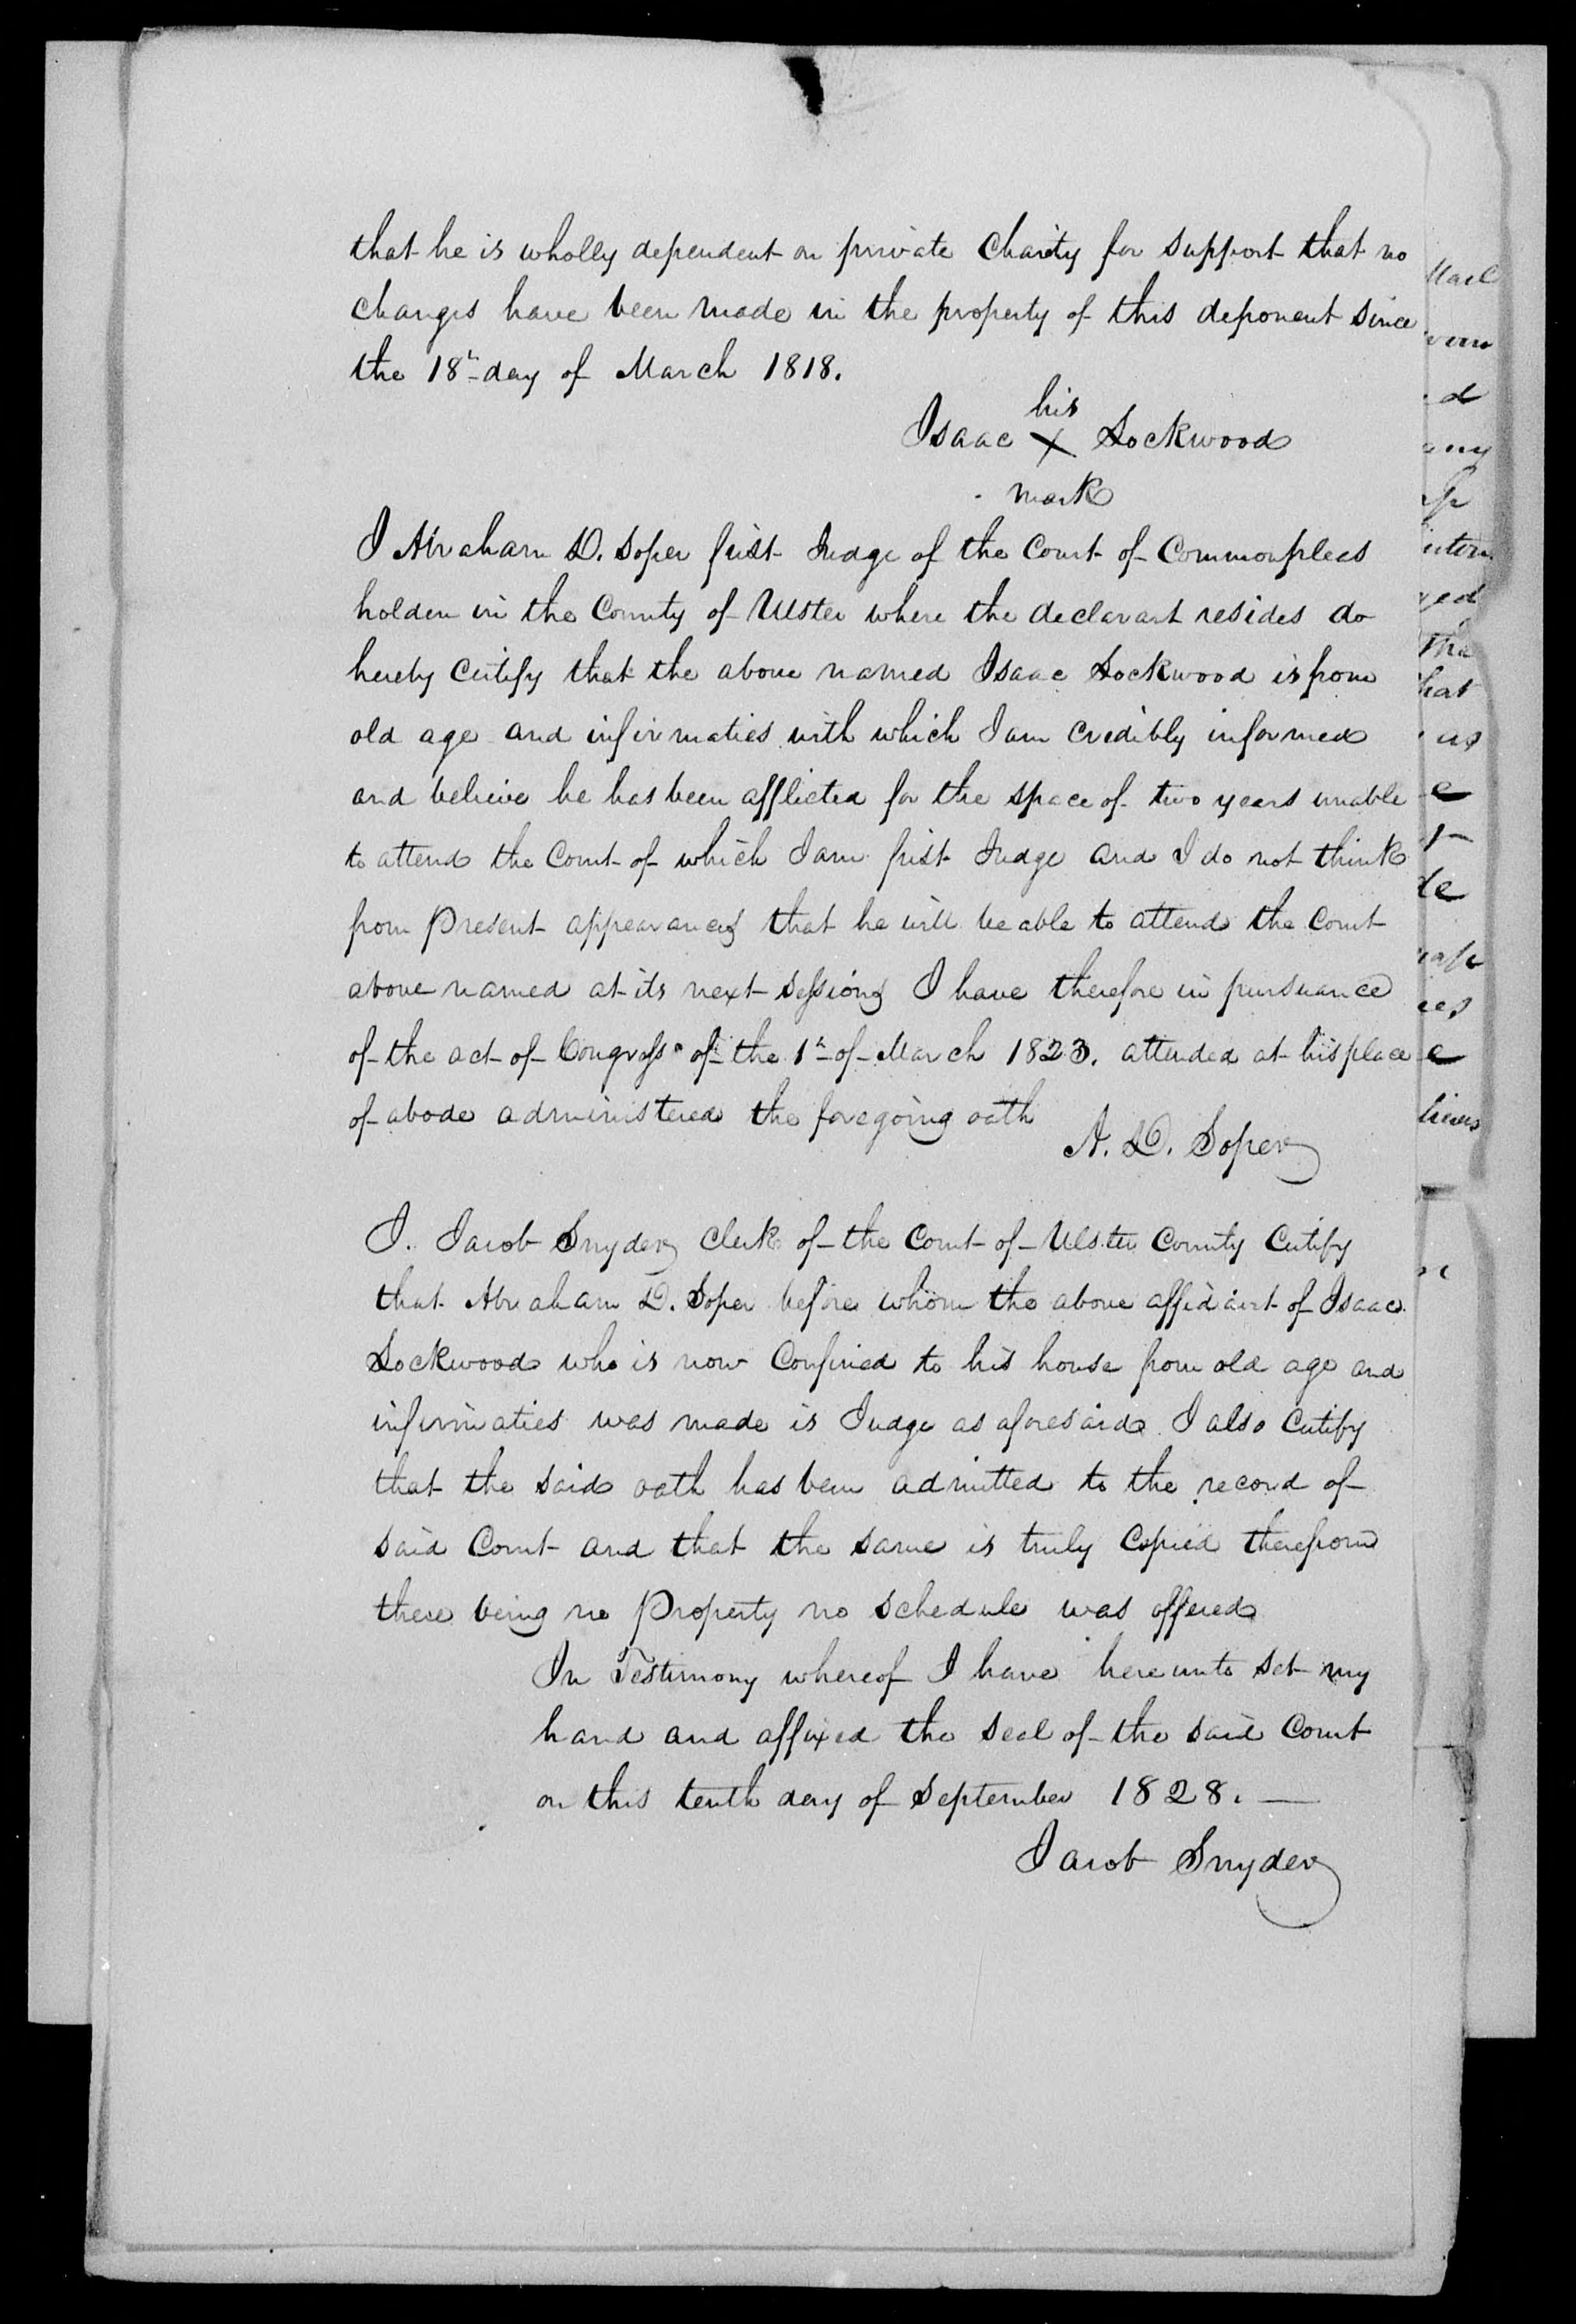that he is wholly dependent on private Charity for support that no changes have been made in the property of this deponent since the 18th day of March 1818.

[his mark] Isaac X Lockwood

I Abraham D Soper first Judge of the Court of Commonpleas holden in the County of Ulster where the declared resides do hereby Certify that the above named Isaac Lockwood is from old age and infirmities with which I am credibly informed and believe he has been afflicted for the space of two years unable to attend the Court of which I am first Judge and I do not think from present appearances that he will be able to attend the Court above named at is next sitting  I have therefore in providence of the act of Congress of the 1st of March 1823, attended at his place of above administered the foregoing oath

A. D. Soper

I Jacob Snyder Clerk-of-the Court-of-Ulster County Certify that Abraham D. Soper before whom the above affidavit of Isaac Lockwood who is now Confined to his house from old age and infirmities was made is Judge as aforesaid  I also Certify that the said oath has been admitted to the record of said Court and that the same is truly copied therefrom there being no Property no Schedules was affixed.

In testimony whereof I have here unto to set my hand and affixed the seal of the said Court on this tenth day of September 1828.

Jacob Snyder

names: Abraham D Soper; Jacob Snyder; Isaac Lockwood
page: 5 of 23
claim: survivor's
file: S 42891, for Isaac Lockwood, New York